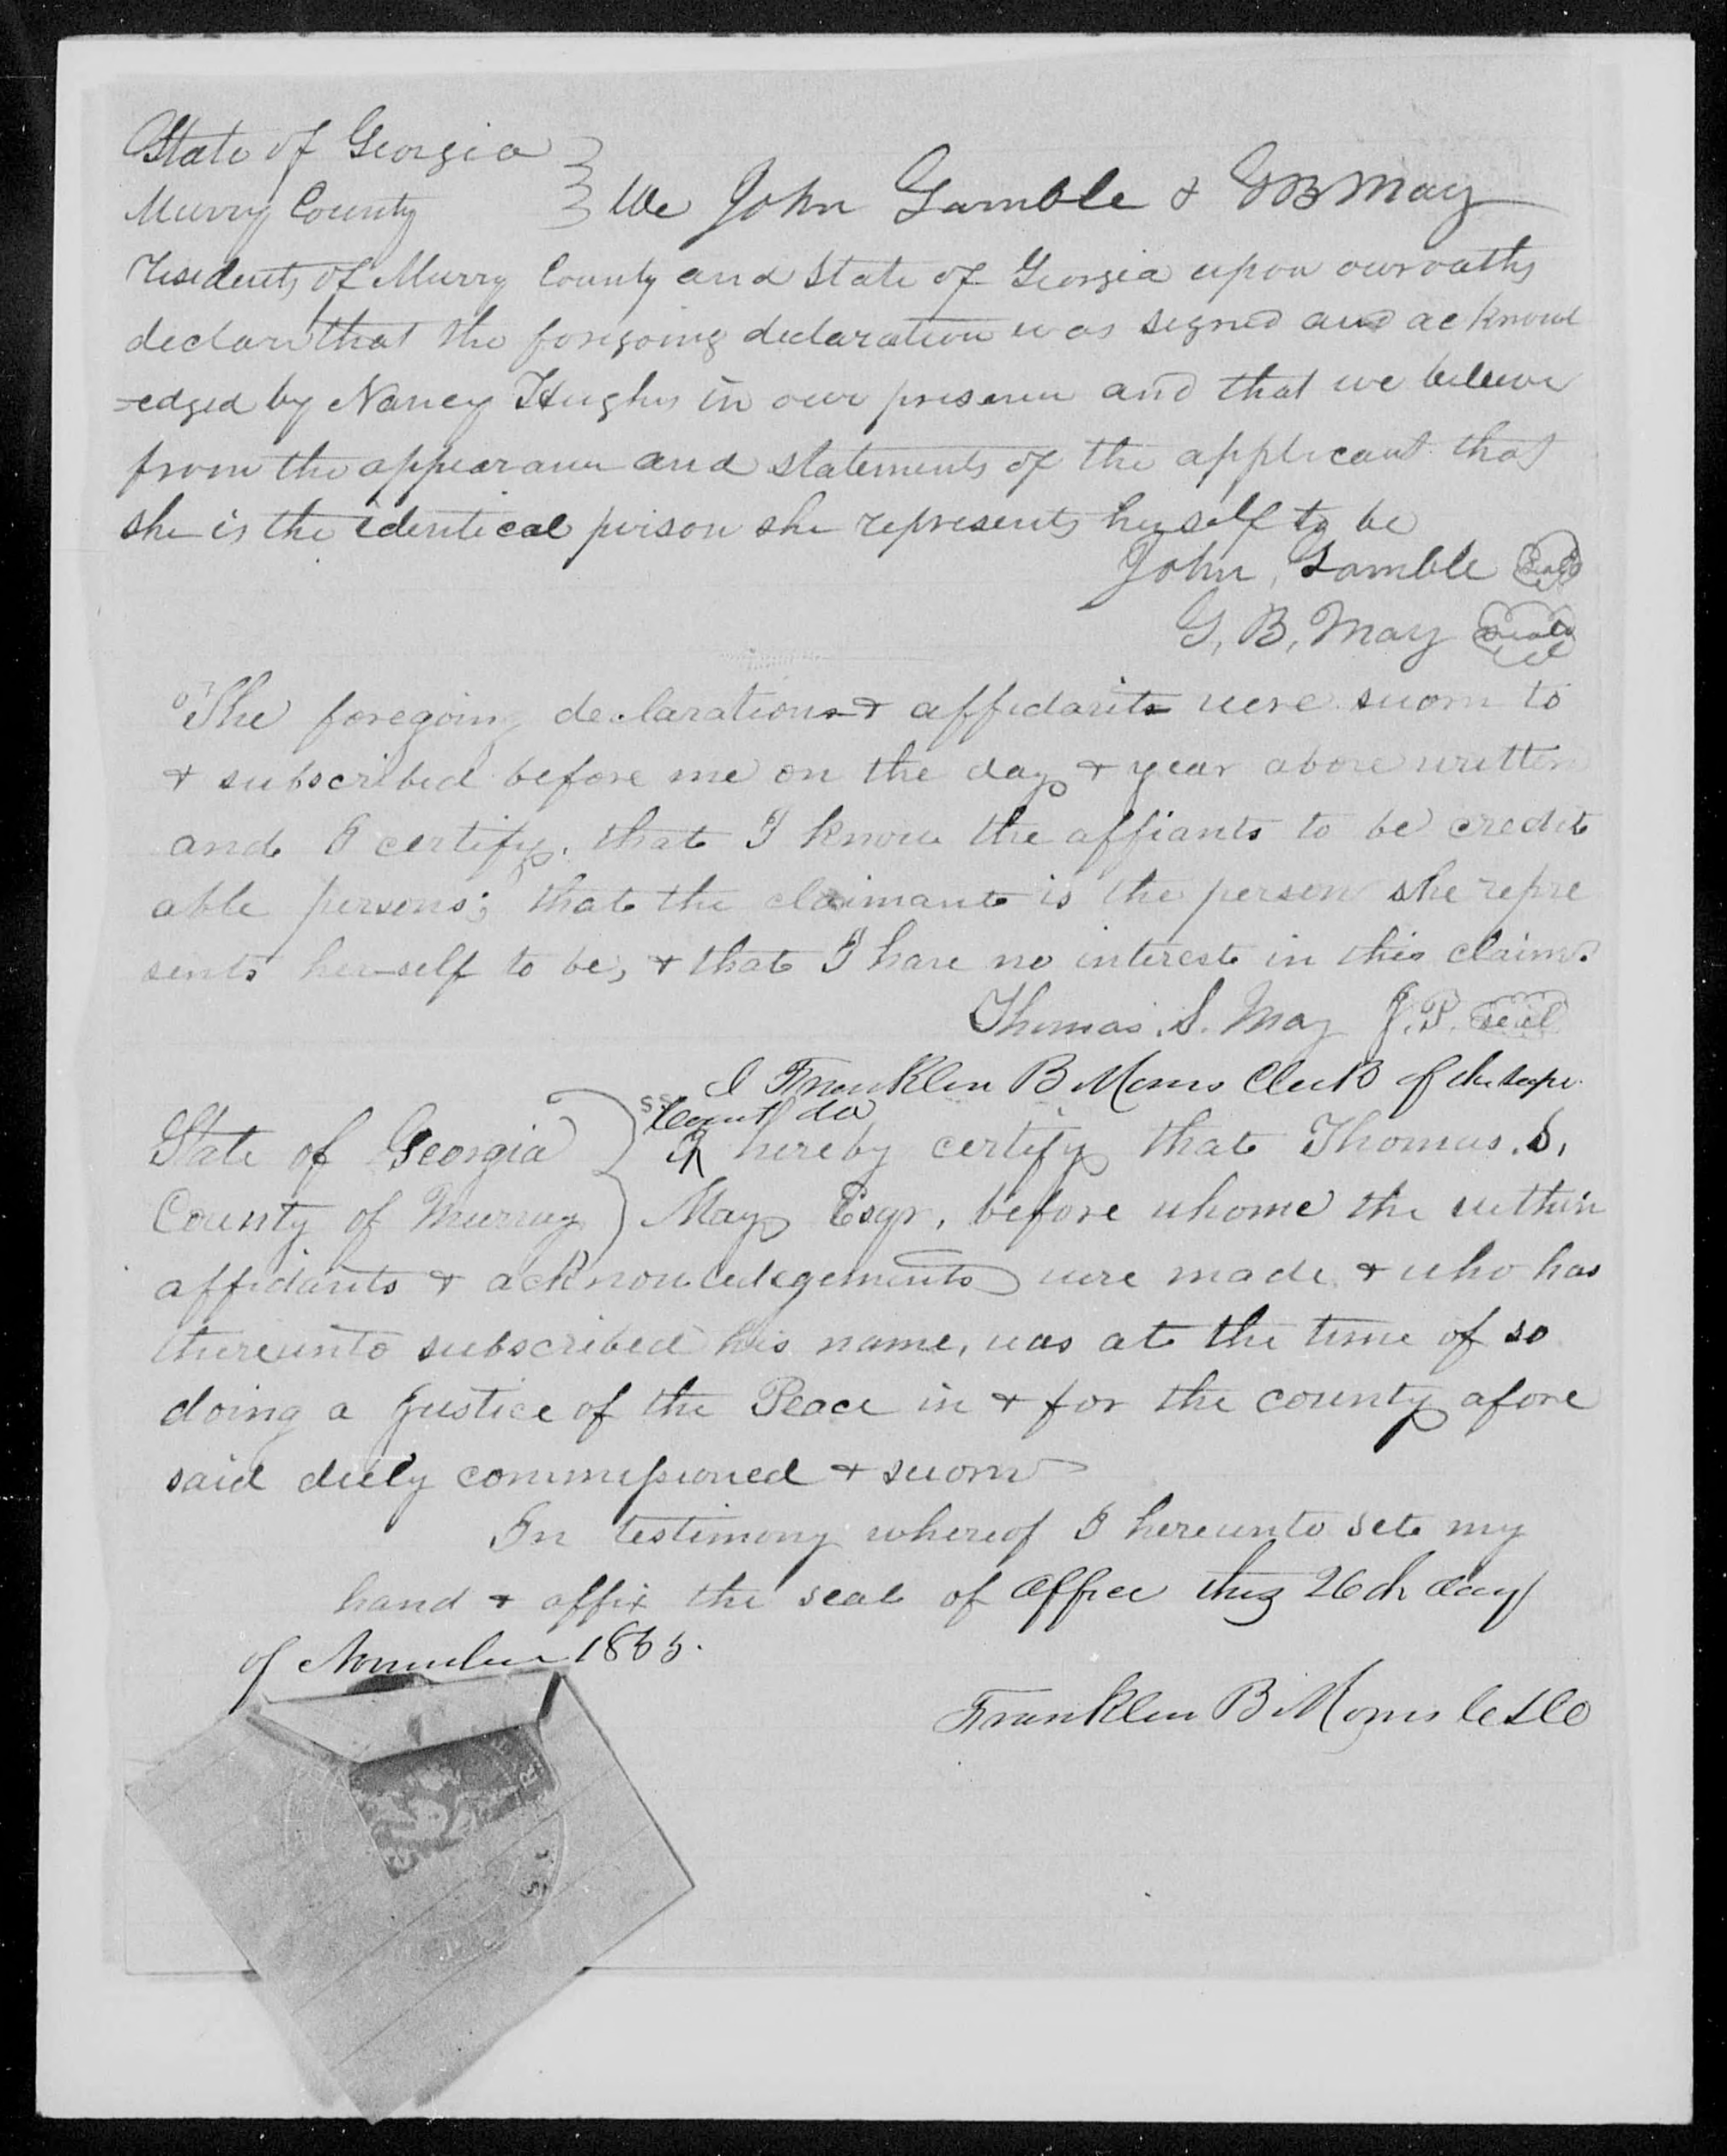State of Georgia Murry County We John Gamble & G.B. May residents of Murry County and State of Georgia upon our oaths declare that the foregoing declaration was signed and acknowledged by Nancy Hughes in our presence and that we believe from the appearance and statements of the applicant that she is the identical person she represents herself to be John Gamble [illegible symbol] G. B. May [illegible symbol] The foregoing declaration & affidavits were sworn to & subscribed before me on the day & year above written and I certify, that I know the affiants to be credit able persons; that the claimant is the person she repre sents herself to be, & that I have no interest in this claim. Thomas S. May J.P. [illegible symbol] State of Georgia County of Murray I Franklin B. Morris Clerk of the before [inserted County do] hereby certify that Thomas S. Mays Esqr. before whome the within affidavits & acknowledgements were made & who has thereunto subscribed his name, was at the time of so doing a Justice of the Peace in & for the County afore said duly commissioned & sworn In testimony whereof I hereunto set my hand & affix the seal of office this 26th day of Number 1855 Franklin B Morris [illegible]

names: G B May, Franklin B Morris, Nancy Hughes, John Gamble, Thomas S May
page: 10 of 75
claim: widow's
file: W. 25805, Andrew Hughes, N.C.